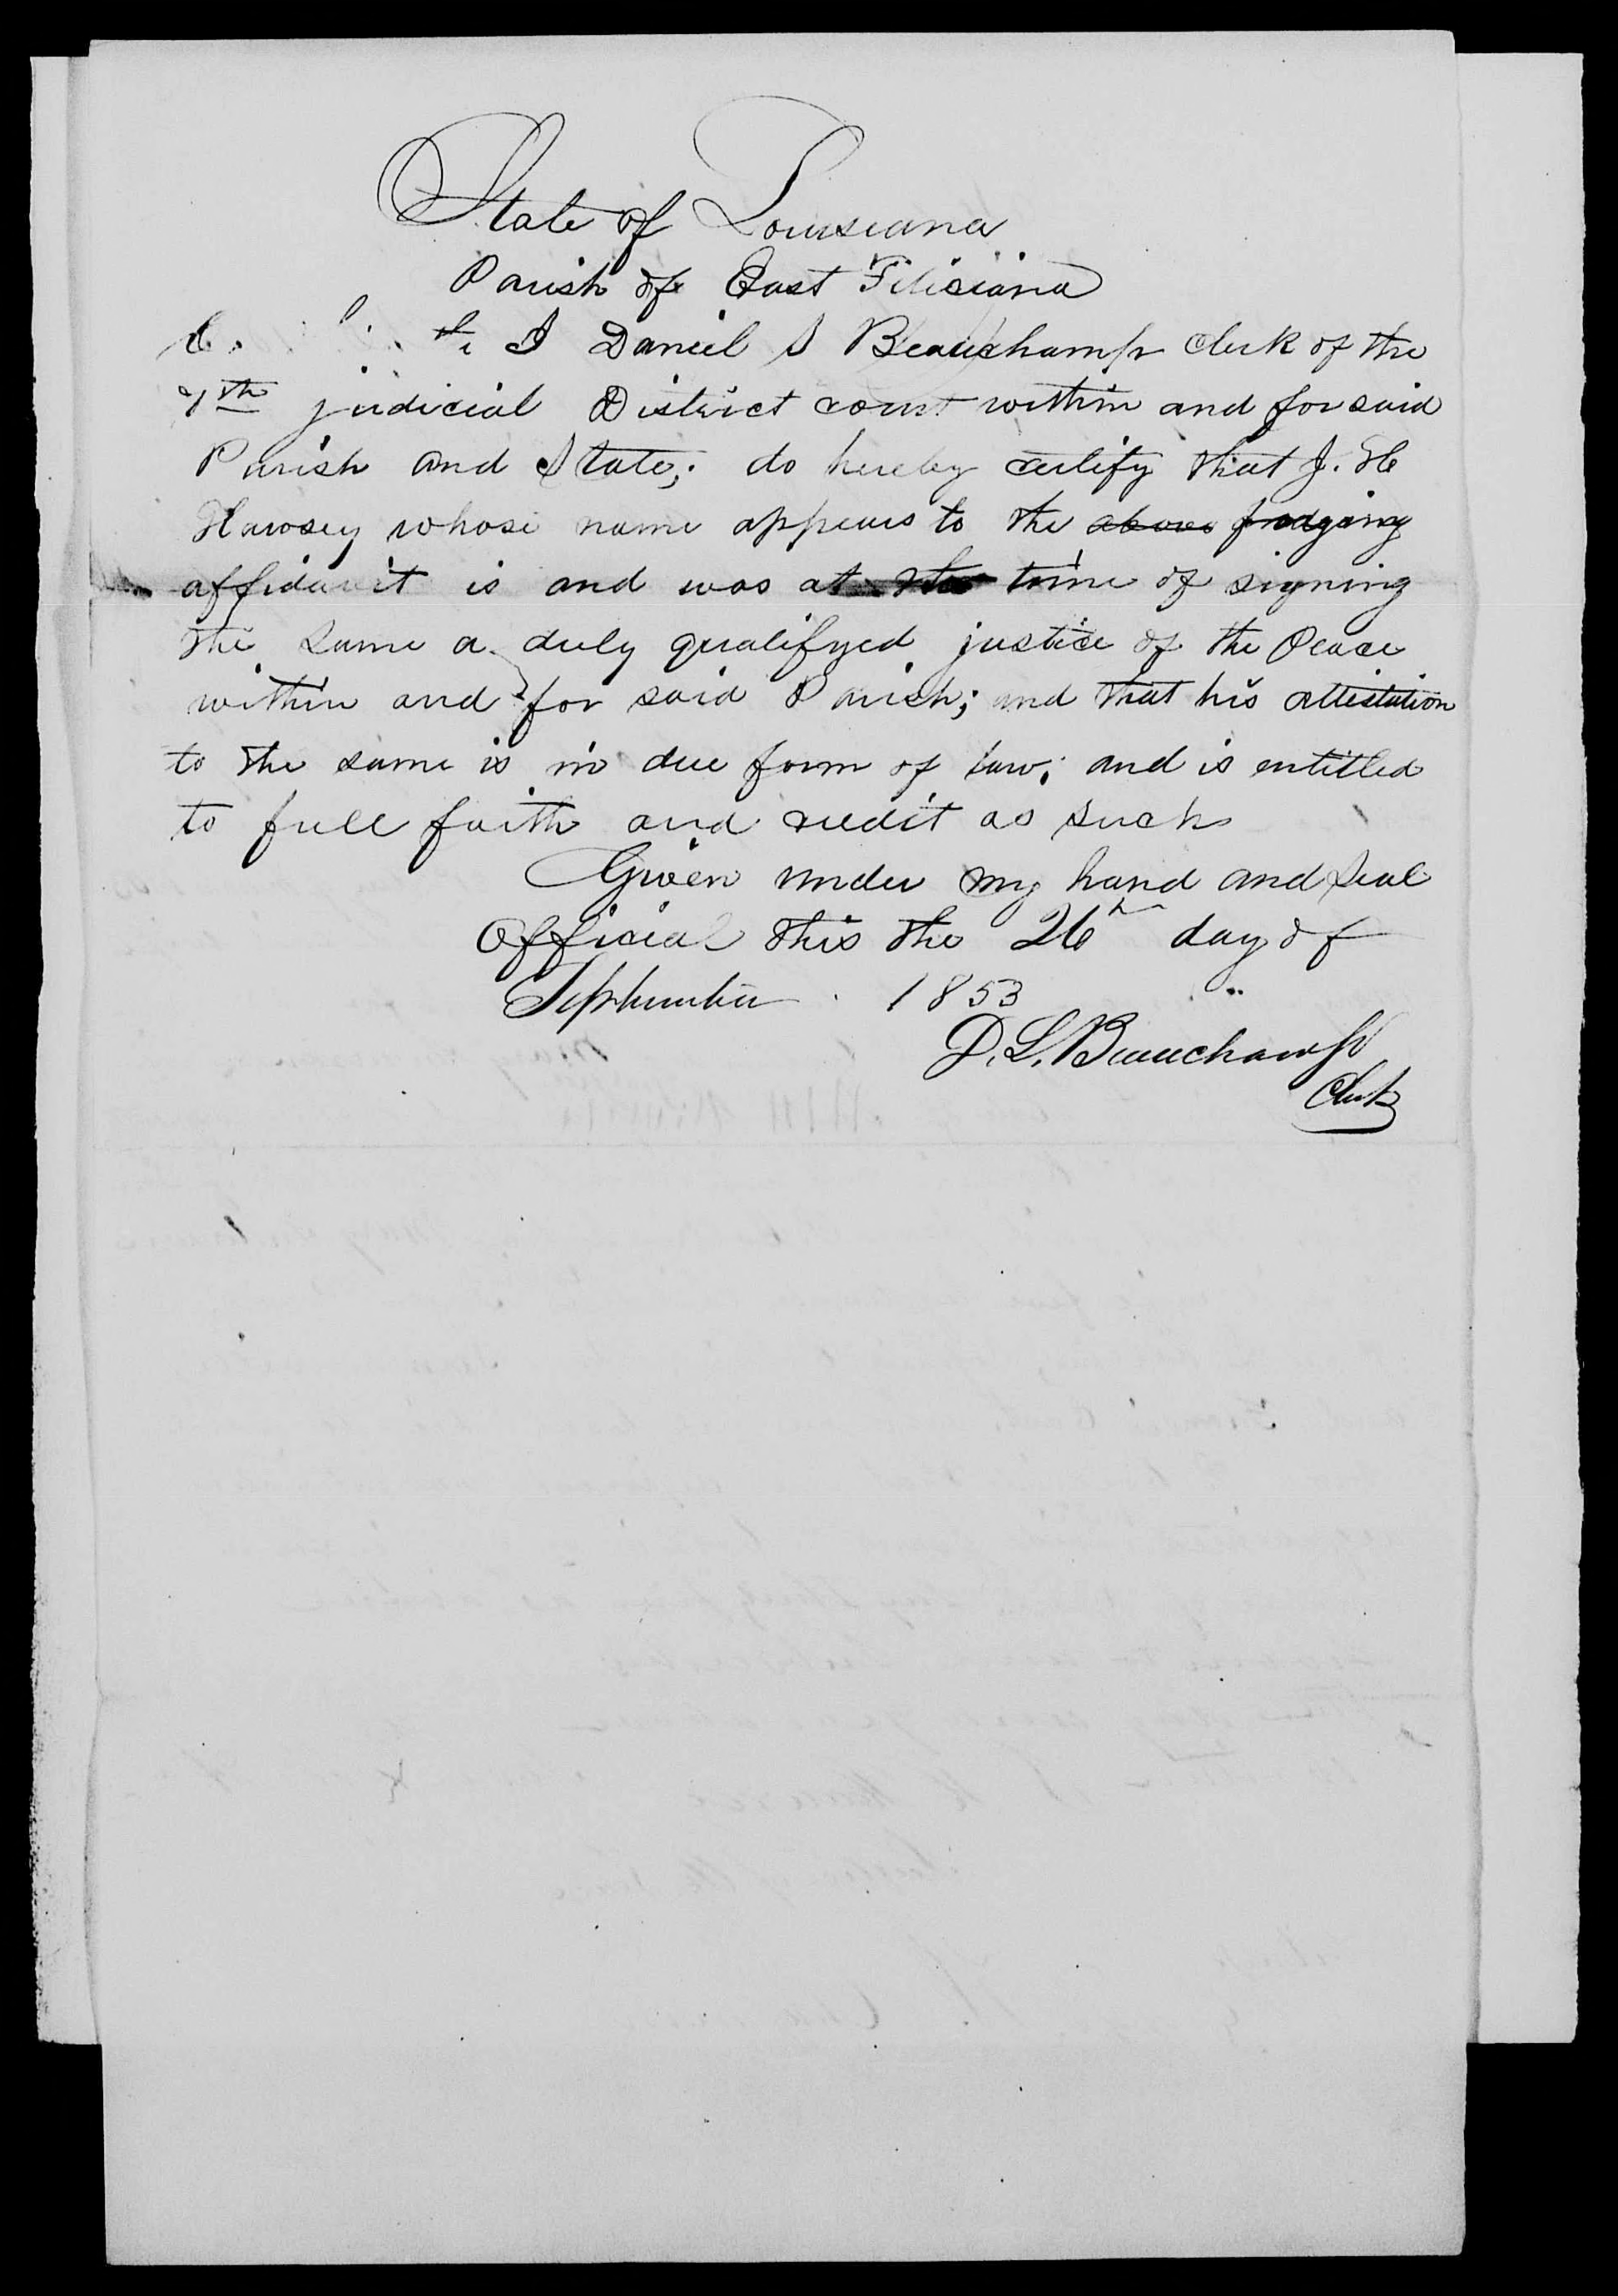State of Louisiana
Parish of East Feliciana
in I Daniel S Beauchamp Clerk of the
7th Judicial District Court within and for said
Parish and State, do hereby certify that J.H.
Hawsey whose name appears to the above foregoing
affidavit is and was at the time of signing
the same a duly qualifyed justice of the Peace
within and for said Parish, and that his attestation
to the same is in due form of law, and is entitled
to full faith and credit as such

Given under my hand and Seal
Official this the 26th day of
September 1853
D. S  Beauchamp
Clerk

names: J H Hawsey, Daniel S Beauchamp, D S Beauchamp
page: 36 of 48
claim: rejected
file: R. 2173, James P Collins, S. C.